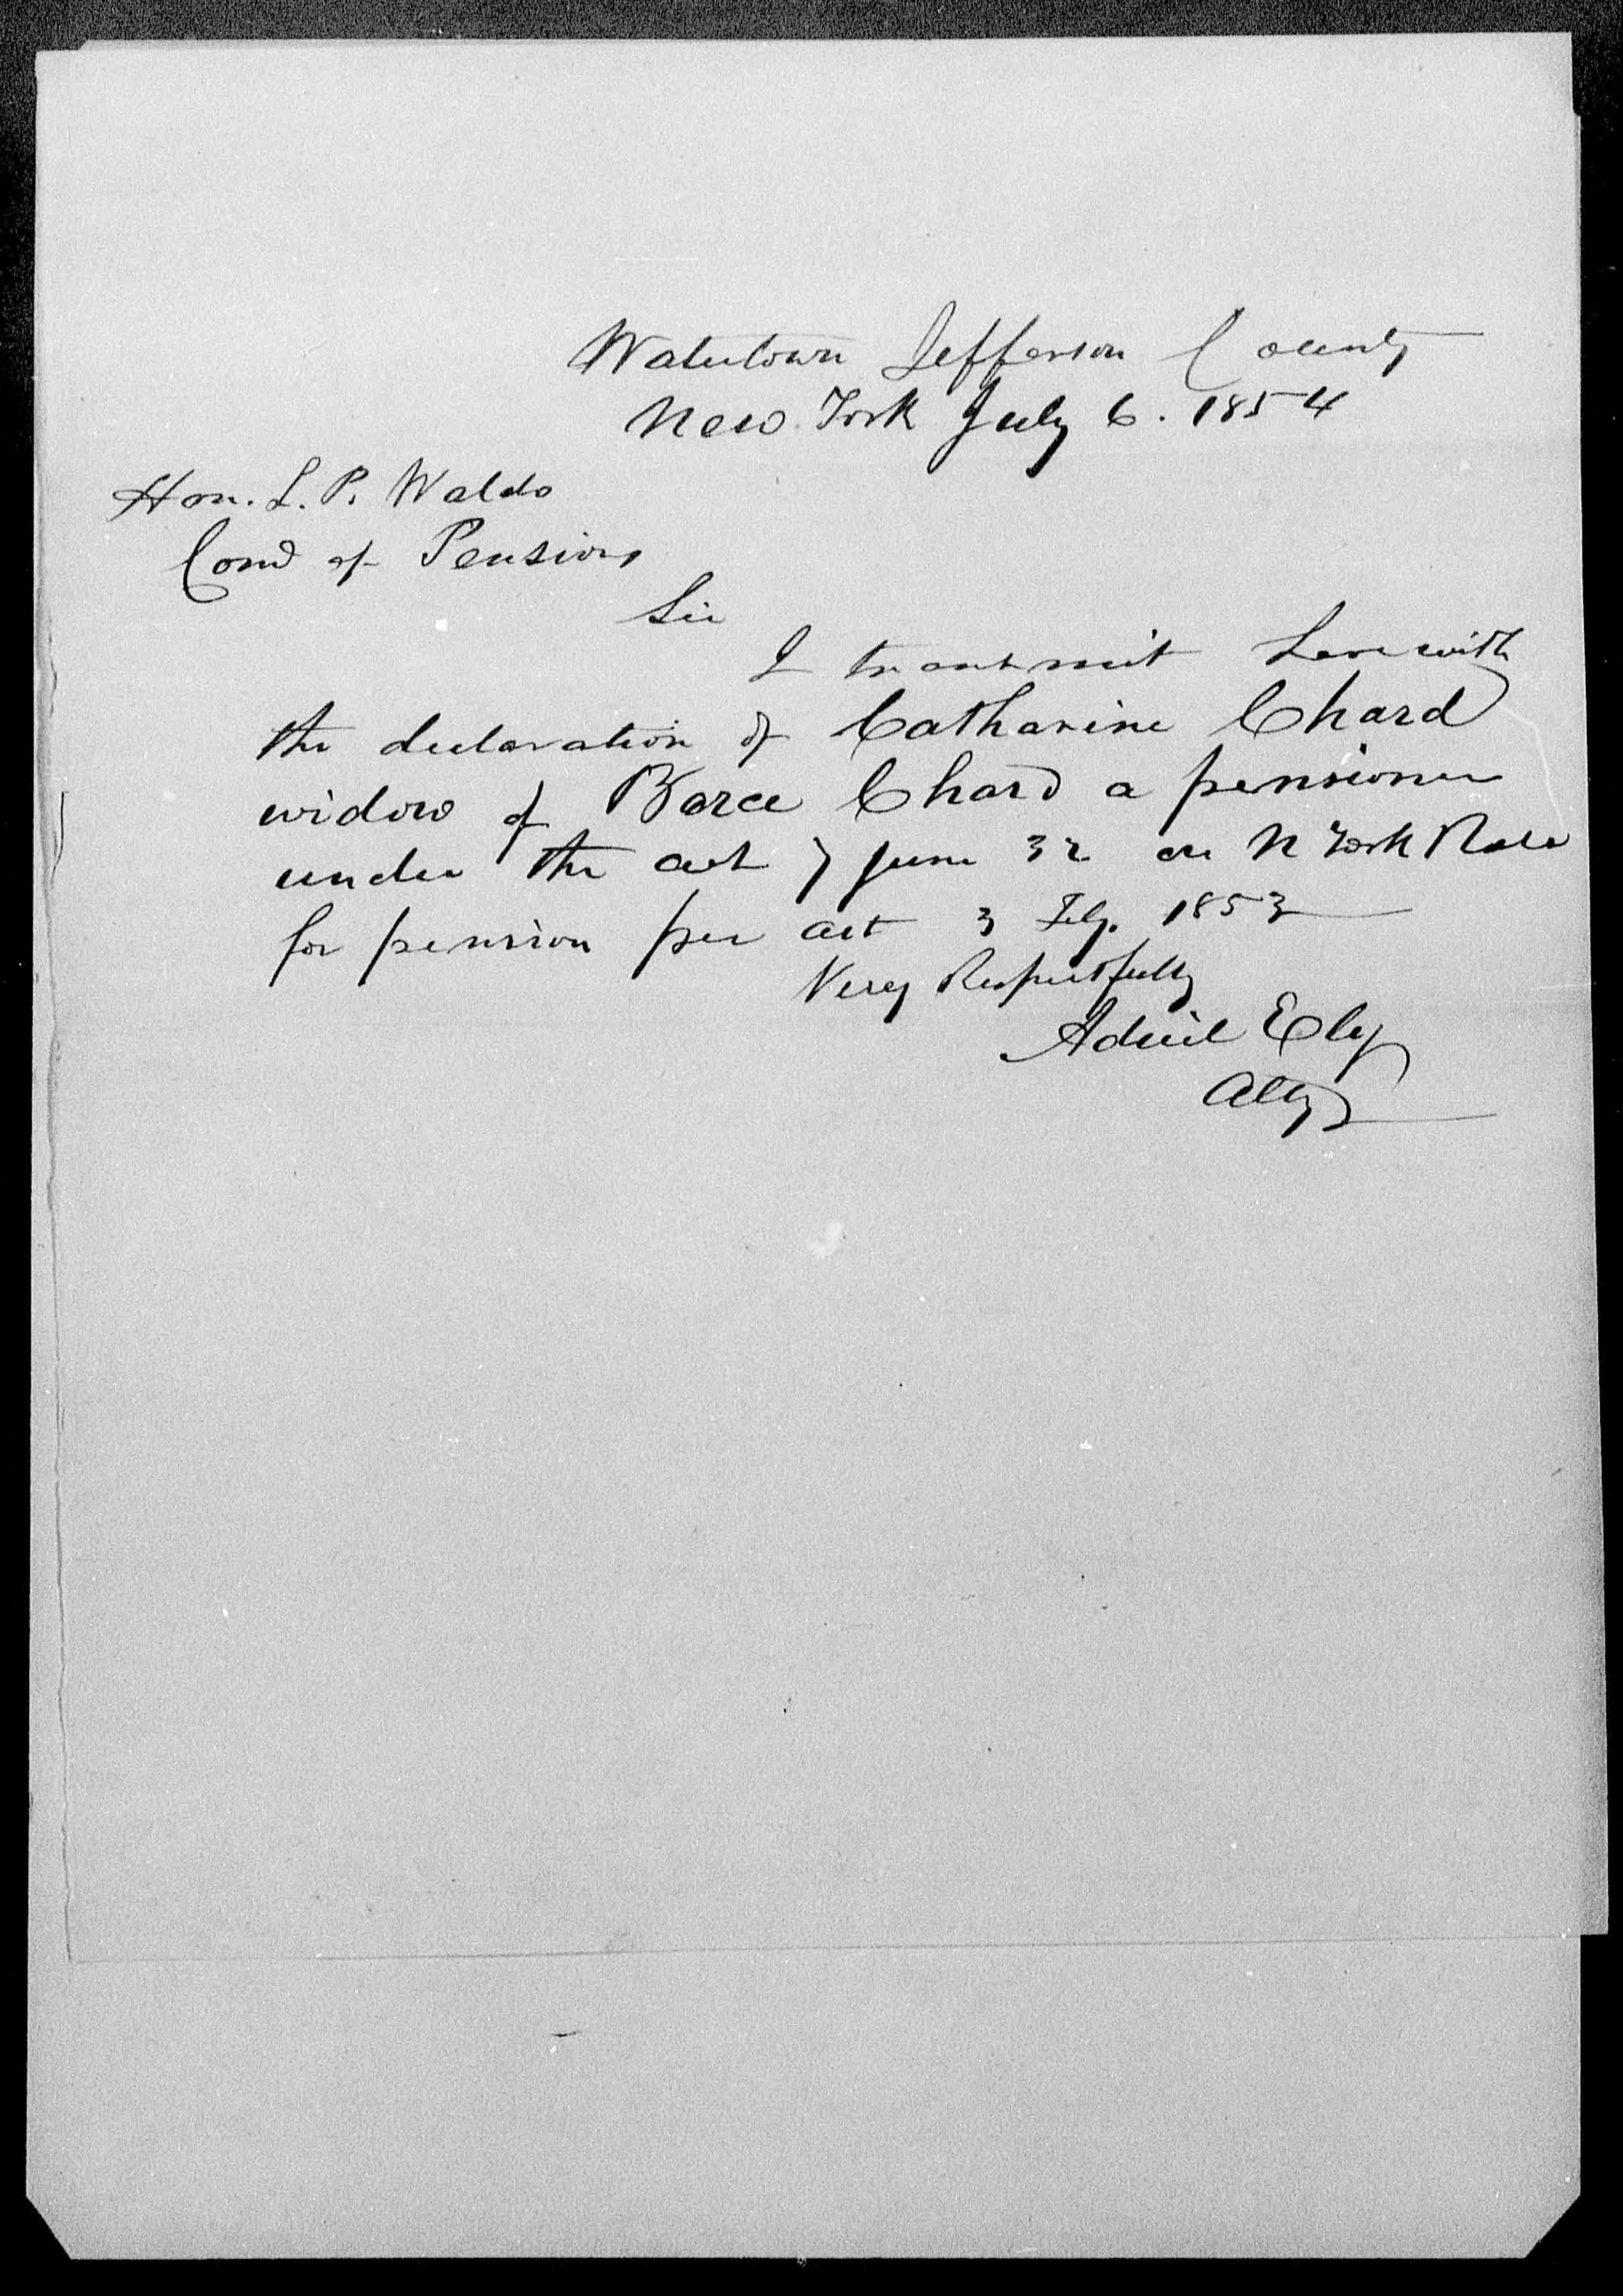Watertown Jefferson County 
New York July 6. 1854

Hon. L.P. Waldo 
Com of Pensions

Sir
I transmit herewith the declaration of Catharine Chard widow of Barce Chard a pensioner under the act 7 June 32 of N York Role for pension per act 3 July. 1853 
Very Respectfully 
Adriel Ely 
Atty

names: Barce Chard, L P Waldo, Catharine Chard, Adriel Ely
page: 33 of 47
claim: widow's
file: W. 10,602, Barce Chard, New York.